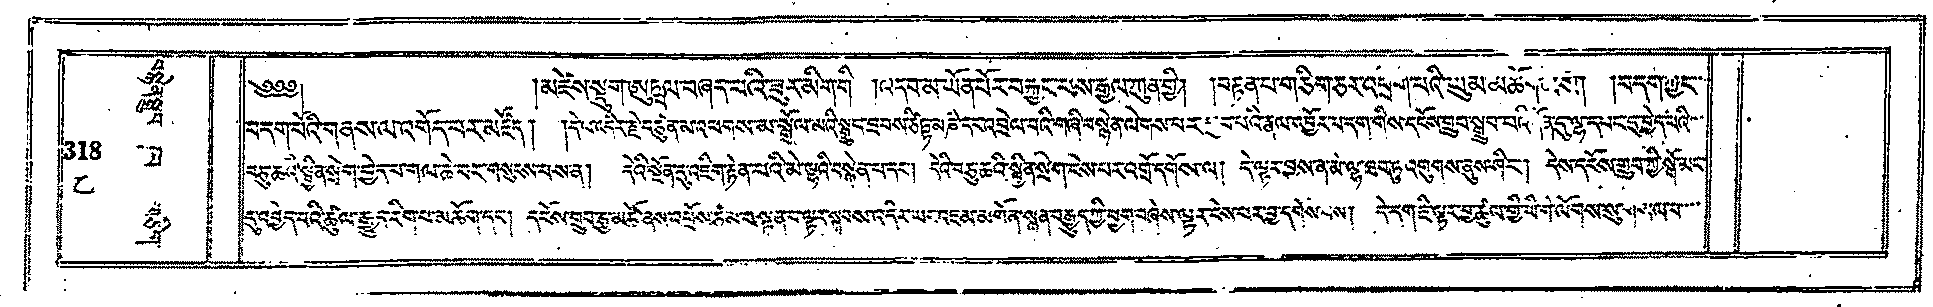༄༅༅། །མཛེས་སྡུག་ཨུཏྤལ་བཞད་པའི་ཟུར་མིག་གི །འདབ་མ་ཡོན་པོར་བརྐྱང་པས་རྒྱལ་ཀུན་གྱི། །བརྟན་པ་གཅིག་ཅར་འཕྲིག་པའི་ཡུམ་མཆོག་ཡས། །བདག་ཀྱང་་་
བདག་པོའི་གནས་ལ་འགོད་པར་མཛོད། །དེ་ལ་འདིར་རྗེ་བཙུན་མ་འཕགས་མ་སྒྲོལ་མའི་སྒྲུབ་ཐབས་ཙིཏྟ་མཎི་དང་འབྲེལ་བའི་གཞི་བསྙེན་ལེགས་པར་སྒྲུབ་པའི་རྣལ་འབྱོར་པ་དག་གིས་དངོས་གྲུབ་པའི་དོན་དུ་ལྷ་དབང་དུ་བྱེད་པའི་་་
བཅུ་ཆའི་སྦྱིན་སྲེག་བྱེད་པ་གལ་ཆེ་བར་གསུངས་པས་ན། དེའི་སྔོན་དུ་འཇིག་རྟེན་པའི་མེ་ལྷའི་བསྙེན་པ་དང་། དེའི་བཅུ་ཆའི་སྦྱིན་སྲེག་ངེས་པར་འགྲོ་དགོས་ལ། དེ་ལྟར་བྱས་ན་མེ་ལྷ་ཐབ་ཏུ་འགུགས་ནུས་ཤིང་། དེས་དངོས་གྲུབ་ཀྱི་སྒོ་མང་
དུ་འབྱེད་པའི་ཚུལ་རྒྱུད་རིག་པ་མཆོག་དང་། དངོས་གྲུབ་རྒྱ་མཚོ་ནས་འཕྲོས་ཙམ་བསྟན་པ་ལྟར་སྐབས་འདིར་ཡང་འཇམ་མགོན་སྙན་བརྒྱུད་ཀྱི་ཕྱག་བཞེས་ལྟར་ངེས་པར་བྱ་དགོས་པས། དེ་དག་ཇི་ལྟར་བྱ་ཚུལ་གྱི་ཡི་གེ་ལོགས་སུ་གསལ་བ་་་